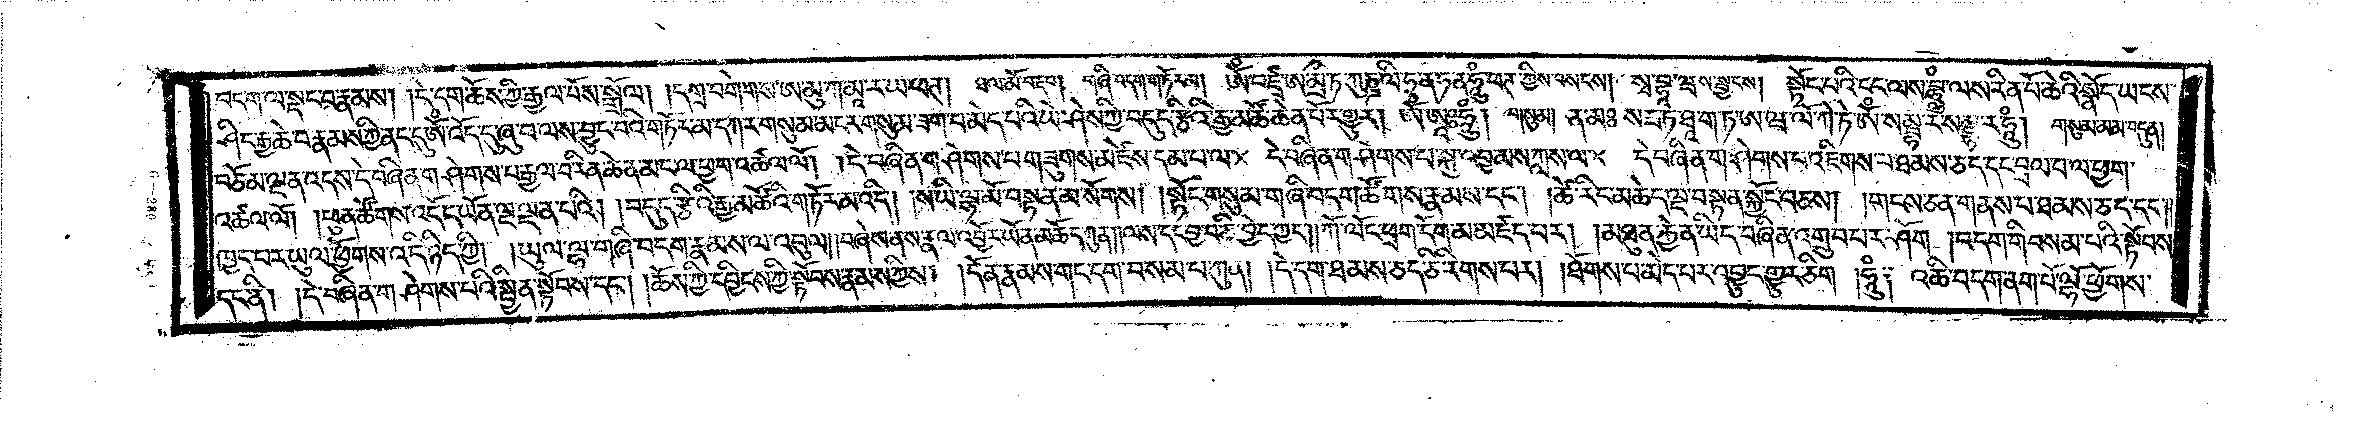བདག་ལ་སྡང་བ་རྣམས། །དེ་དག་ཆོས་ཀྱི་རྒྱལ་པོས་སྒྲོལ། །དགྲ་བགེགས་ཨ་མུ་ཀ་མཱ་ར་ཡ་ཕཊ། ཐལ་མོ་བརྡབ། གཞི་བདག་གཏོར་མ།  ཨོཾ་བཛྲ་ཨ་མྲྀ་ཏ་ཀུཎྜ་ལི་ཧ་ན་ཧ་ན་ཧཱུཾ་ཕཊ་ཀྱིས་བསངས། སྭ་བྷཱ་ཝས་སྦྱངས། སྟོང་བའི་ངང་ལས་བྷྲཱུཾ་ལ་རིན་པོ་ཆེའི་སྣོད་ཡངས་
ཤིང་རྒྱ་ཆེ་བ་རྣམས་ཀྱི་ནང་དུ་ཨོཾ་འོད་དུ་ཞུ་བ་ལས་བྱུང་བའི་གཏོར་མ་དཀར་གསུམ་མངར་གསུམ་ཟག་པ་མེད་པའི་ཡེ་ཤེས་ཀྱི་བདུད་རྩིའི་རྒྱ་མཚོ་ཆེན་པོར་གྱུར། ཨོཾ་ཨཱཿ ཧཱུཾ། གསུམ། ན་མཿ སརྦ་ཏ་ཐཱ་ག་ཏ་ཨ་ཝ་ལོ་ཀེ་ཏེ་ཨོཾ་སམྦྷ་ར་སམྦྷ་ར་ཧཱུཾ། གསུམ་མམ་བདུན།
བཅོམ་ལྡན་འདས་དེ་བཞིན་གཤེགས་པ་རྒྱལ་བ་རིན་ཆེན་མང་ལ་ཕྱག་འཚལ་ལོ། །དེ་བཞིན་གཤེགས་པ་གཟུགས་མཛེས་དམ་པ་ལ྾་དེ་བཞིན་གཤེགས་པ་སྐུ་འབྱམས་ཀླས་ལ྾་དེ་བཞིན་གཤེགས་པ་འཇིགས་པ་ཐམས་ཅད་དང་བྲལ་བ་ལ་ཕྱག་
འཚལ་ལོ། །ཕུན་ཚོགས་འདོད་ཡོན་ལྔ་ལྡན་པའི། །བདུད་རྩིའི་རྒྱ་མཚོའི་གཏོར་མ་འདི། །ས་ཡི་ལྷ་མོ་བསྟན་མ་སོགས། །སྟོང་གསུམ་གཞི་བདག་ཚོགས་རྣམས་དང་། །ཚེ་རིང་མཆེད་ལྔ་བསྟན་སྐྱོང་བཅས། །གངས་ཅན་གནས་པ་ཐམས་ཅད་དང་།
ཁྱད་པར་ཡུལ་ཕྱོགས་འདི་ཉིད་ཀྱི། །ཡུལ་ཧ་གཞི་བདག་རྣམས་ལ་འབུལ། བཞེས་ནས་རྣལ་འབྱོར་ཡོན་མཆོད་ཀུན། །ལས་དང་བྱ་བ་ཅི་བྱེད་ཀྱང་། །ཀོ་ལོང་ཕྲག་དོག་མ་མཛད་པ། །ཐུན་རྐྱེན་ཡིད་བཞིན་འགྲུབ་པར་ཤོག །བདག་གི་བསམ་པའི་སྟོབས་
ནང་ནི། །དེ་བཞིན་གཤེགས་པའི་སྦྱིན་སྟོབས་དང་། །ཆོས་ཀྱི་དབྱིངས་ཀྱི་སྟོབས་རྣམས་ཀྱིས། །དོན་རྣམས་གང་དག་བསམ་པ་ཀུན། །དེ་དག་ཐམས་ཅད་ཅི་རིགས་པར། །ཐོགས་པ་མེད་པར་འབྱུང་གྱུར་ཅིག །ཧཱུཾ༑ འཆི་བདག་ནག་པོ་ལྷོ་ཕྱོགས་